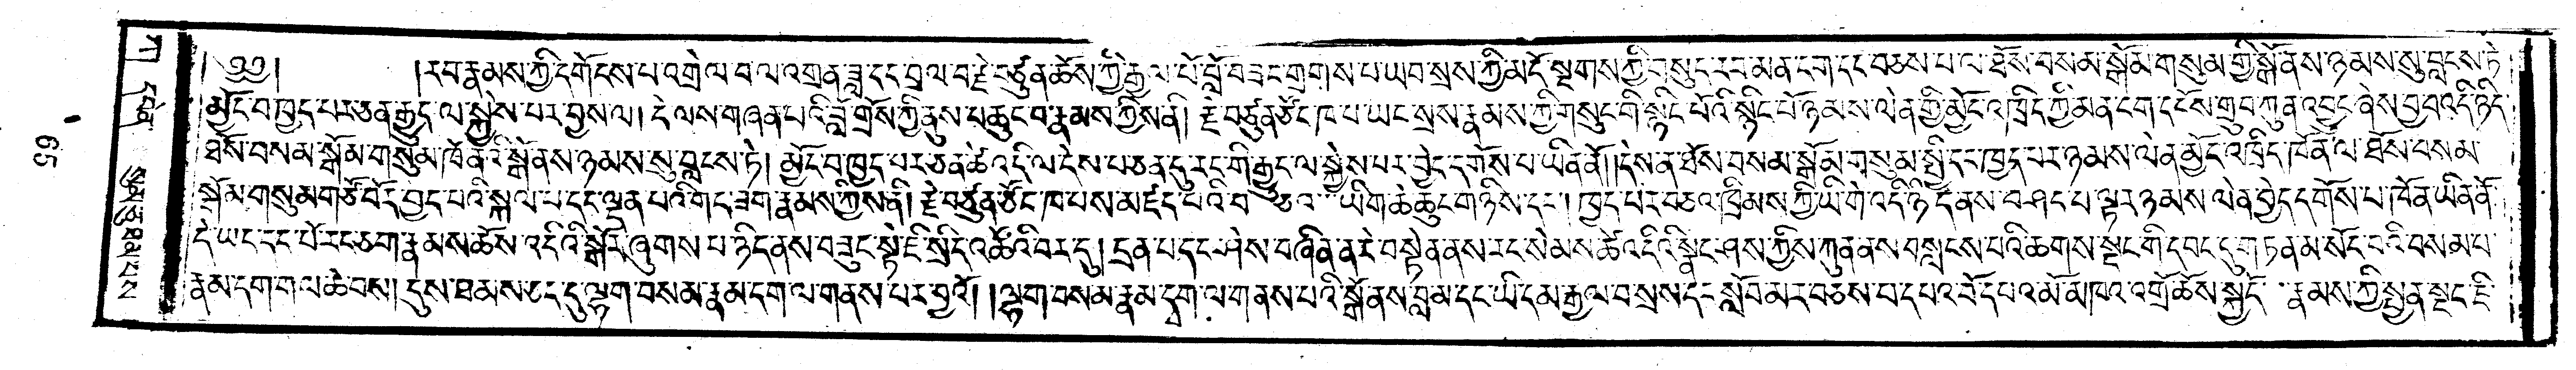༄༅། །རབ་རྣམས་ཀྱི་དགོངས་པ་འགྲེལ་བ་ལ་འགྲན་ཟླ་དང་བྲལ་བ་རྗེ་བཙུན་ཆོས་ཀྱི་རྒྱལ་པོ་བློ་བཟང་གྲགས་པ་ཡབ་སྲས་ཀྱི་མདོ་སྔགས་ཀྱི་བསུང་རབ་མན་ངག་དང་བཅས་པ་ལ་ཐོས་བསམ་སྒོམ་གསུམ་གྱི་སྒོ་ནས་ཉམས་སུ་བླངས་ཏེ་
མྱོང་བ་ཁྱད་པར་ཅན་རྒྱུད་ལ་སྐྱེས་པར་བྱས་ལ། དེ་ལས་གཞན་པའི་བློ་གྲོས་ཀྱི་ནུས་པ་ཆུང་བ་རྣམས་ཀྱིས་ནི། རྗེ་བཙུན་ཙོང་ཁ་པ་ཡང་སྲས་རྣམས་ཀྱི་གསུང་གི་སྙིང་པོའི་སྙིང་པོ་ཉམས་ལེན་གྱི་མྱོང་འཁྲིད་ཀྱི་མན་ངག་དངོས་གྲུབ་ཀུན་འབྱུང་ཞེས་བྱ་བ་འདི་ཉིད་
ཐོས་བསམ་སྒོམ་གསུམ་ཁོ་ནའི་སྒོ་ནས་ཉམས་སུ་བླངས་ཏེ། མྱོང་བ་ཁྱད་པར་ཅན་ཚེ་འདི་ལ་དེས་པ་ཅན་དུ་རང་གི་རྒྱུད་ལ་སྐྱེས་པར་བྱེད་དགོས་པ་ཡིན་ནོ། །དེས་ན་ཐོས་བསམ་སྒོམ་གསུམ་སྤྱི་དང་ཁྱད་པར་ཉམས་ལེན་མྱོང་འཁྲིད་ཁོན་ལ་ཐོས་བསམ་
སྒོམ་གསུམ་གཙོ་བོར་བྱད་པའི་སྐལ་པ་དང་ལྡན་པའི་གང་ཟག་རྣམས་ཀྱིས་ནི། རྗེ་བཙུན་ཙོང་ཁ་པས་མཛད་པའི་བཅའ་ཡིག་ཆེ་ཆུང་གཉིས་དང་། ཁྱད་པར་བཅའ་ཁྲིམས་ཀྱི་ཡི་གེ་འདི་ཉིད་ནས་བཤད་པ་ལྟར་ཉམས་ལེན་བྱེད་དགོས་པ་ཁོན་ཡིན་ནོ་
དེ་ཡང་དང་པོ་རང་ཅག་རྣམས་ཆོས་འདིའི་སྒོར་ཞུགས་པ་ཉིད་ནས་བཟུང་སྟེ་ཇི་སྲིད་འཚོའི་བར་དུ། དྲན་པ་དང་ཤེས་བཞིན་ན་རེ་བསྟེན་ནས་རང་སེམས་ཚེ་འདིའི་སྣང་ཤས་ཀྱིས་ཀུན་ནས་བསླངས་པའི་ཆགས་སྡང་གི་དབང་དུ་གཏན་མ་སོང་བའི་བསམ་པ་
རྣམ་དག་གལ་ཆེ་བས། དུས་ཐམས་ཅད་དུ་ལྷག་བསམ་རྣམ་དག་ལ་གནས་པར་བྱའོ། །ལྷག་བསམ་རྣམ་དྭག་ལ་གནས་པའི་སྒོ་ནས་བླ་མ་དང་ཡི་དམ་རྒྱལ་བ་སྲས་དང་སློབ་མར་བཅས་པ་དཔའ་བོ་དཔའ་མོ་མཁའ་འགྲོ་ཆོས་སྐྱོད་རྣམས་ཀྱི་སྤྱན་སྡང་ཇི་